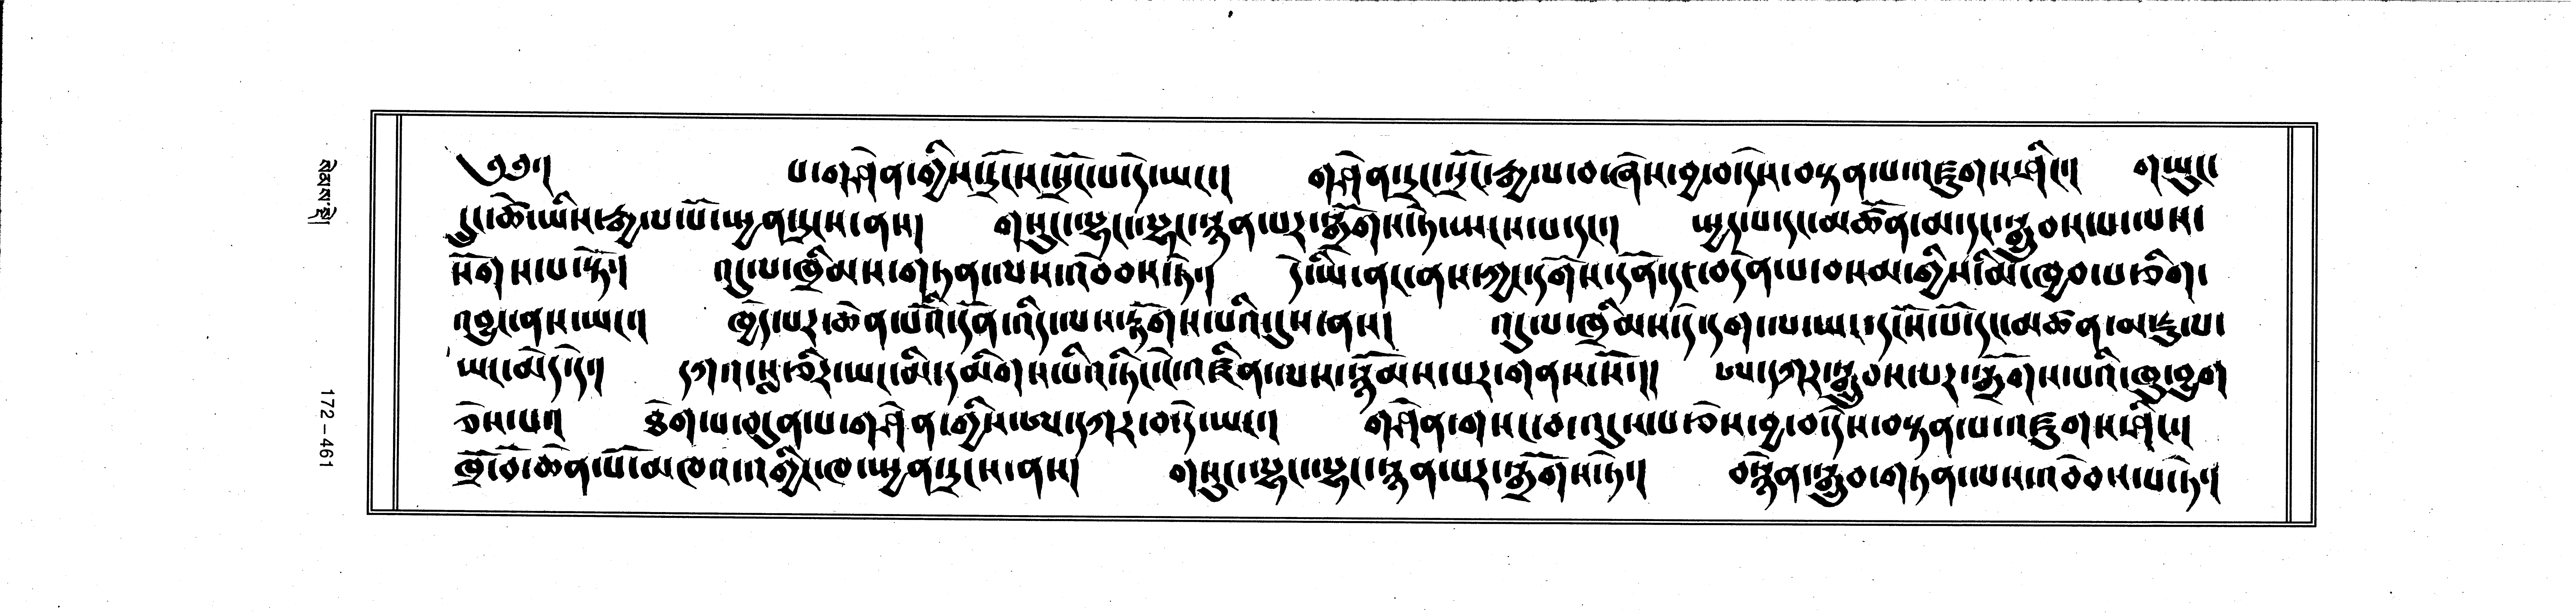པ་གཤེན་གྱིས་དྲངས་སྲོང་པ་དེ་ཡང་། གཤེན་དྲངས་སྲོང་རྒྱལ་བ་ཞེས་བྱ་བ་དེས་བསྟན་པ་འཛུགས་ཤིང་། གཡུང་
དྲུང་ཚེ་ཡིས་རྒྱལ་པོ་སྤྱན་དྲངས་ནས། གསུང་ལྷང་ལྷང་སྙན་པར་སྒྲོགས་ཏེ་སྤངས་པ་དང་། སྤྱད་པ་དང་མཚོན་མ་དང་སྒྲུབས་པ་ལས་
སོགས་པ་སྟེ། འདུལ་ཁྲིམས་གཏན་ལས་འབེབས་ཏེ། དེ་ཡི་ནང་ནས་ཀྱང་དགོས་དོན་དང་བདེན་པ་བསམ་གྱིས་མི་ཁྱབ་པ་ཅིག་
འབྱུང་ནས་ཡང་། ཁྱེད་པར་ཆེན་པོའི་དོན་འདི་ལས་རྟོགས་པའི་དུས་ནས། འདུལ་ཁྲིམས་དེ་དག་ལ་ཡང་དངོས་པོ་དང་མཚན་མ་རྡུལ་
ཡང་མེད་དེ། དཀའ་སླ་ཅིར་ཡང་མི་དམིགས་པའི་ཏིང་ངེ་འཛིན་ལས་སྙོམས་པར་གནས་སོ། ཨ་དཀར་སྒྲུབས་པར་སྒྲོགས་པའི་ཁུ་བྱུག་
ཅེས་པ། ཐེག་པ་བདུན་པ་ཨ་དཀར་བ་དེ་ཡང་། གཤེན་གསང་བ་འདུས་པ་ཅེས་བྱ་བ་དེས་བསྟན་པ་འཛུགས་ཤིང་། 
ཁྲོ་བོ་ཆེན་པོ་མཁའ་འགྱིང་ཁ་སྤྱན་དྲངས་ནས། གསུང་ལྷང་ལྷང་སྙན་པར་སྒྲོགས་ཏེ། བསྙེན་སྒྲུབ་གཏན་ལས་འབེབས་པ་ཏེ། དེ་ཡིས་ནང་ནས་ཀྱང་དགོས་དོན་དང་